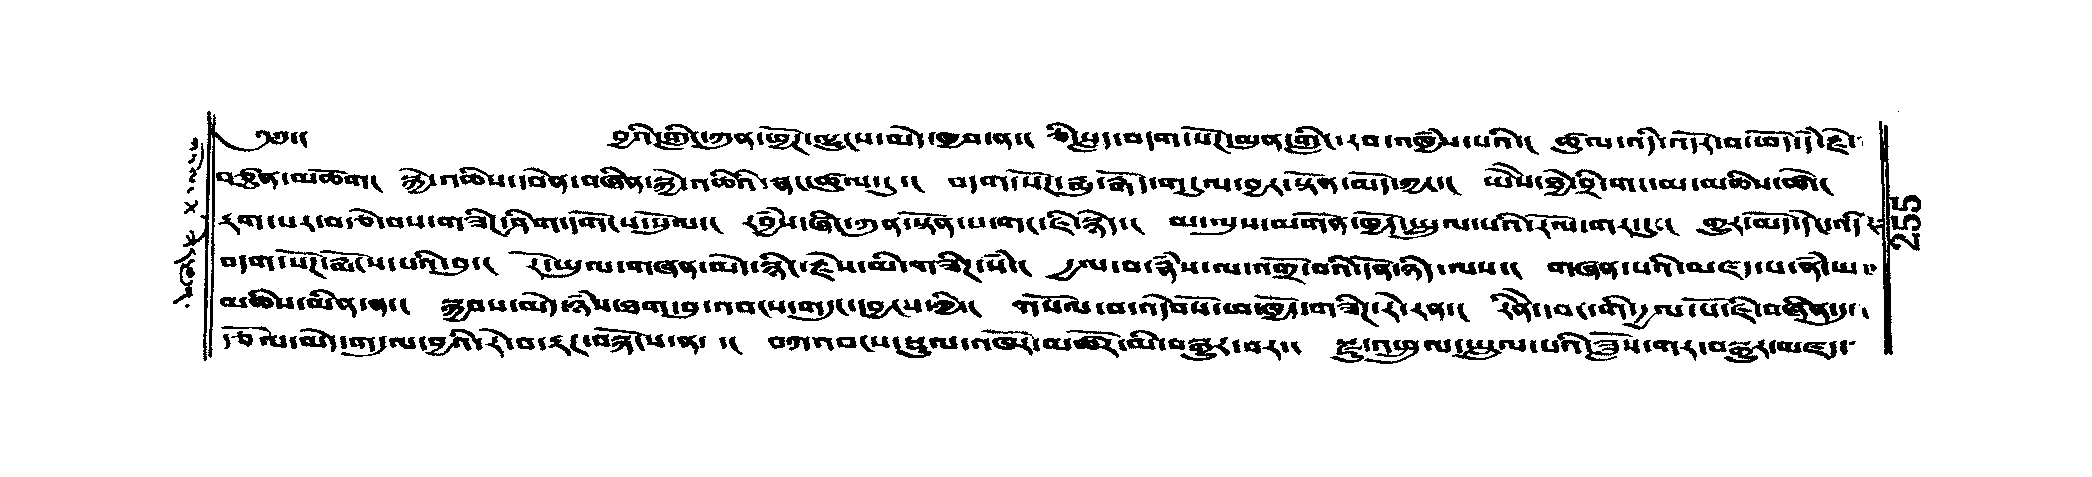བྱའི་གླིང་ཀུན་ཕྱོགས་ལྷུང་མེད་ཁྱབ་ན། །ཅི་སླད་བདག་སོགས་མུན་གླིང་རབ་འཁྱམས་པའི། །ཚུལ་འདི་འདོར་བ་ཕོད་དམ་རྗེ་
བཙུན་མཆོག །སྐྱེ་འཆིས་དབེན་བཞིན་སྐྱེ་འཆིའི་སྣང་ཚུལ་དུ། །བདག་སོགས་རྨུ་རྒོད་གདུལ་བྱར་སྟོན་མོད་ཀྱང་། །ཡེ་ཤེས་ཐུགས་རྗེ་བྲི་གང་མ་མཆིས་ཚེ། །
རྟག་པར་བརྩེ་བས་གཟིགས་ཤིག་དགོངས་སུ་གསོལ། །རབ་འབྱམས་ཞིང་ཀུན་སྟོན་པ་གང་ཇི་སྙེད། །མ་ལུས་མགོན་ཁྱོད་སྤྲུལ་པའི་རོལ་གར་དུ། །གྱུར་མོད་དེང་འདིར་
བདག་སོགས་རྨོངས་པའི་བུ། །རེ་ཡུལ་གཞན་མེད་སྙིང་རྗེས་མི་གཟིགས་སམ། །རྒྱལ་བ་རྣམས་ལ་འགྲོ་བའི་དོན་ཉིད་ལས། །གཞན་པའི་མཛད་པ་ནམ་ཡང་
མཆིས་མིན་ན། །སྐྱབས་མེད་ཉམ་ཐག་བུ་འབངས་གདུང་དབྱངས་ཀྱི། །གསོལ་བ་འདེབས་སོ་ཕ་ཁྱོད་གཟིགས་རེ་རན། །རིན་ཆེན་དབང་གི་རྒྱལ་པོ་ཇི་བཞིན་དུ། །
རྩོལ་མེད་གདུལ་བྱའི་རེ་བ་རྟག་བསྐོང་ན། །བཀའ་འབངས་སྡུག་བསྔལ་འཁོར་མཚོར་མི་བསྐྱུུར་བར། །རྫུ་འཕྲུལ་སྤྲུལ་པའི་ཟློས་གར་བསྒྱུར་མཛད་